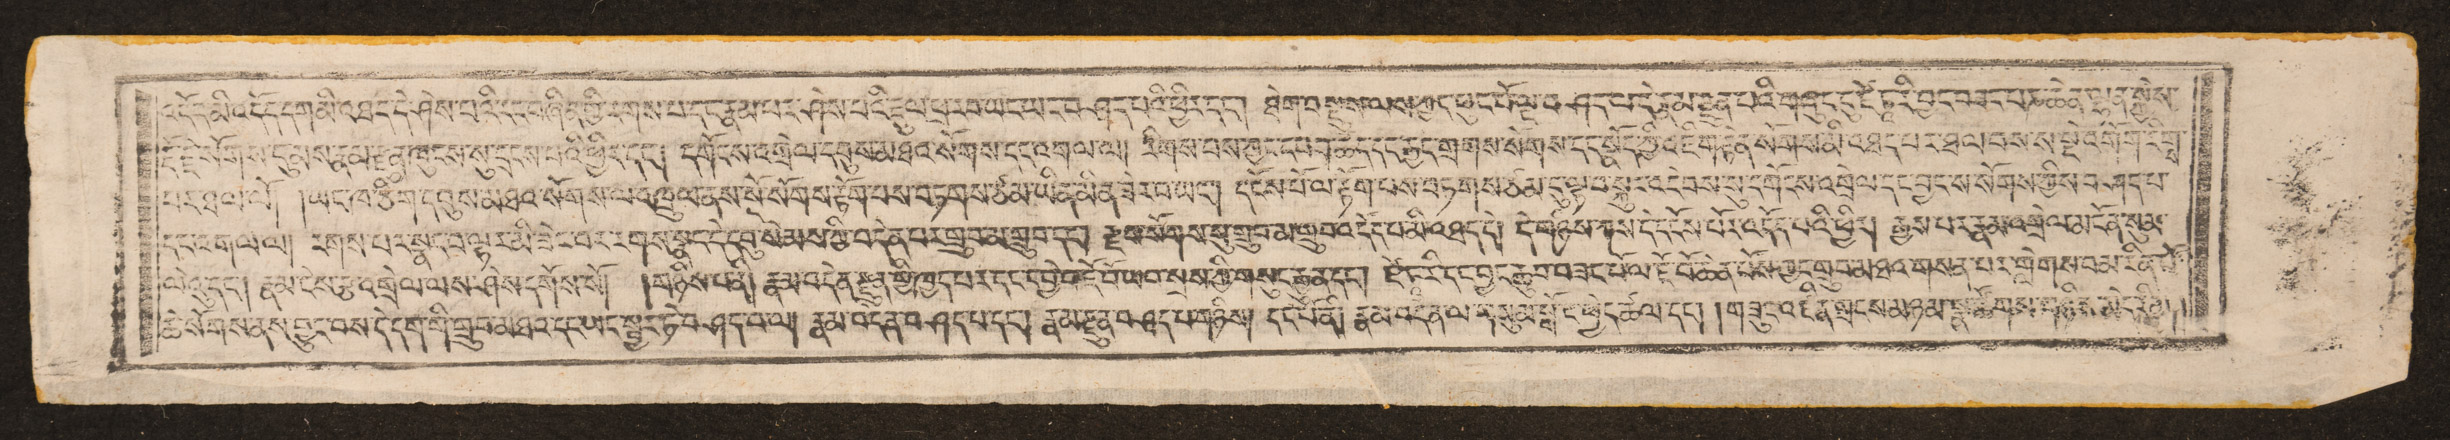འདོད་མི་འདོད་དག་མི་འཐད་དེ་ཤེས་པའི་རང་བཞིན་གྱི་རགས་པ་དང་རྣམ་པར་ཤེས་པའི་རྡུལ་ཕྲ་རབ་ཡང་ཡང་བཤད་པའི་ཕྱིར་དང་། ཐེག་བསྡུས་ལས་ཀྱང་ཕུང་པོ་ལྔ་བཤད་ལ་དེ་རྣམ་རྫུན་པའི་གཞུང་དུ་ཛེ་ཏཱ་རི་བྱང་བཟང་པཎ་ཆེན་ལྷན་སྐྱེས་
རྡོ་རྗེ་སོགས་དུ་མས་རྣམ་རྫུན་ཁུངས་སུ་དྲངས་པའི་ཕྱིར་དང་། དགོངས་འགྲེལ་དབུས་མཐའ་སོགས་དང་འགལ་ལ། རིགས་བས་ཀྱང་དཔག་ཚད་དང་རྒྱད་གྲགས་སོགས་དང་སྣོད་ཀྱི་འཇིག་རྟེན་སོགས་མི་འཐད་པར་ཐལ་བས་ས་སྡེ་འགོག་རིགས་
པར་ཐལ་ལོ། །ཡང་ཁ་ཅིག་དབུས་མཐའ་སོགས་ལ་འཁྲུལ་ནས་སྔོ་སོགས་རྟོག་པས་བཏགས་ཙམ་ཡིན་མིན་ཟེར་བ་ཡང་། དངོས་པོ་ལ་རྟོག་པས་བཏགས་ཙམ་དུ་ལྟ་བ་སྐུར་འདེབས་སུ་དགོངས་འགྲེལ་དང་བྱང་ས་སོགས་ཀྱིས་བཤད་པ་
དང་འགལ་ལ། རགས་པར་སྣང་བ་ལྟར་མི་ཟེར་བར་རགས་སྣང་དེ་དབུ་སེམས་ཀྱི་བདེན་པར་གྲུབ་མ་གྲུབ་དང་། རྫས་སོགས་སུ་གྲུབ་མ་གྲུབ་འདོད་པ་མི་འཐད་དེ། དེ་གཉིས་ཀས་དེ་དངོས་པོར་འདོད་པའི་ཕྱིར། རྒྱས་པར་རྣམ་འགྲེལ་མངོན་སུམ་
ལེའུ་དང་། རྣམ་ངེས་རྩ་འགྲེལ་ལས་ཤེས་དགོས་སོ། །གཉིས་པ་ནི། རྣམ་བདེན་རྫུན་གྱི་ཁྱད་པར་དང་དབྱེ་བ་ཇོ་བོ་ཡབ་སྲས་ཀྱི་གསུང་རྒྱུན་དང་། ཛེ་ཏཱ་རི་དང་བྱང་ཆུབ་བཟང་པོ་ལ་ཇོ་བོ་ཆེན་པོས་ཀྱང་གྲུབ་མཐའ་གསན་པར་གླེགས་བམ་རིན་པོ་
ཆེ་སོགས་ནས་བྱུང་བས་དེ་དག་གི་གྲུབ་མཐའ་དང་ཡང་སྦྱར་ཏེ་བཤད་པ་ལ། རྣམ་བདེན་བཤད་པ་དང་། རྣམ་རྫུན་བཤད་པ་གཉིས། དང་པོ་ནི། རྣམ་བདེན་ལ་གསུམ་སྒོ་ང་ཕྱེད་ཚལ་དང་། །གཟུང་འཛིན་གྲངས་མཉམ་སྣ་ཚོགས་གཉིས་མེད་རིམ། །